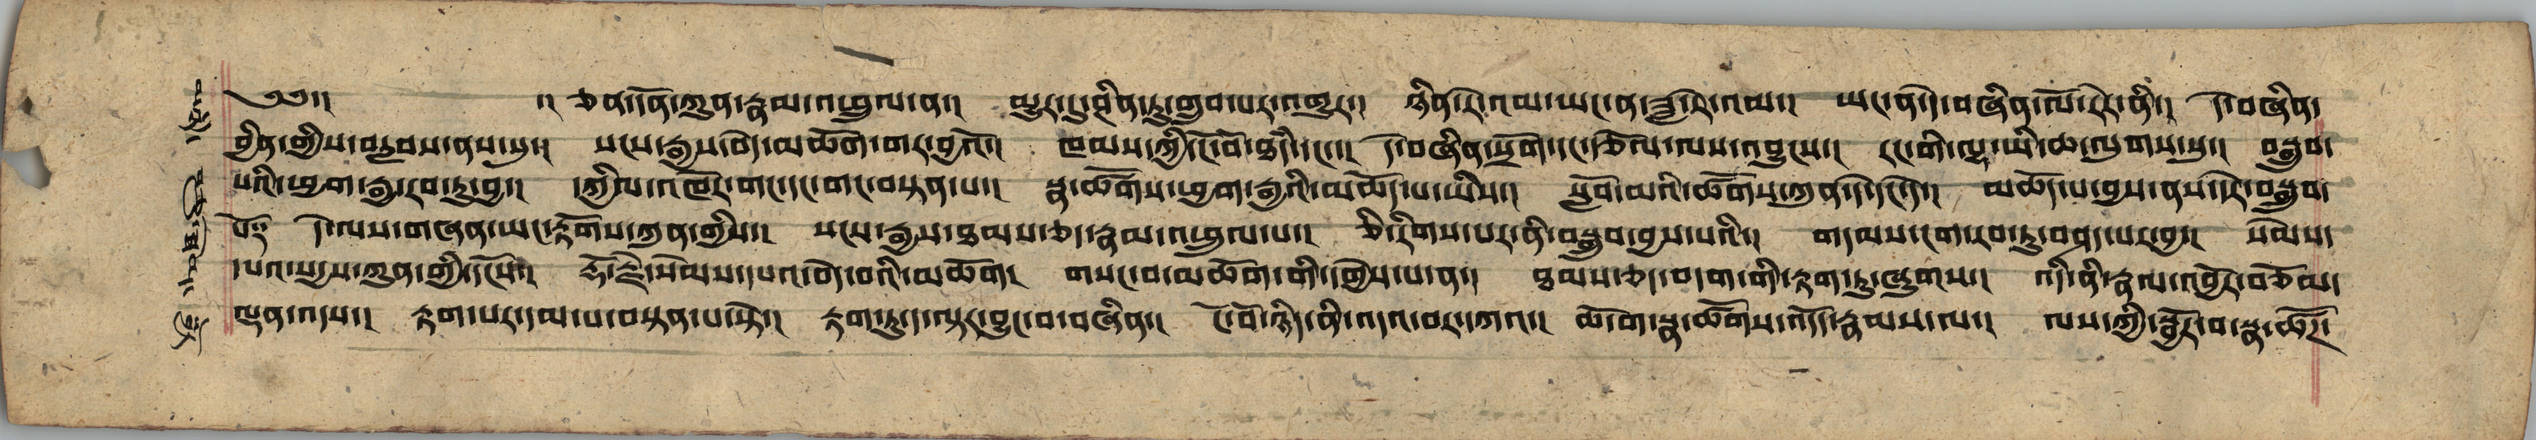༄༅་། ་།ཅན་དོན་ཀུན་རྣམ་འཕྲུལ་ན་། མྱུར་དུ་ཤིན་ཏུ་གྲུབ་པར་འགྱུར་། ཉིན་རེ་འམ་ཡང་ན་ཟླ་རེ་འམ་། ཡང་ན་དེ་བཞིན་ལོ་རེར་ནི་། དེ་བཞིན་
བྱིན་གྱིས་བརླབས་ནས་སུ་། སངས་རྒྱས་བདེ་མཆོག་གར་བྱའོ་། ཁམས་ཀྱི་ངོ་བོ་ཐཾད་དང་་། དེ་བཞིན་སྲོག་དང་རྩོལ་ལས་འབྱུངས་། རང་གི་ལྷ་ཡི་ཆ་ལུགས་སུ་། བསྒྲུབ་
པའི་ཕྱག་རྒྱ་རབ་ཏུ་བྱ་། དཀྱིལ་འཁོར་གང་དང་གང་བསྟན་པ་། སྣ་ཚོགས་ཕྱག་རྒྱའི་མཆོད་པ་ཡིས་། སློབ་མའི་ཚོགས་ཀུན་དེ་དང་དེ་། མཆོད་པ་བྱས་ནས་དེར་བསྒྲུབ་
པོ༑ དེ་ནས་གཞན་ཡང་རྟོགས་ཀུན་གྱིས་། སངས་རྒྱས་ཐམས་ཅད་རྣམ་འཕྲུལ་པ་། ཅི་རིགས་པར་ནི་བསྒྲུབ་བྱས་པའི་། གདམས་ངག་རབ་ཏུ་བཤད་པར་བྱ་། སེམས་
དཔའ་སདྱས་ཀུན་གྱི་དངོས་། རྡོ་རྗེ་སེམས་དཔའ་བདེ་བའི་མཆོག། གསང་བ་མཆོག་གི་དགྱེས་པ་ན་། ཐམས་ཅད་བདག་གི་རྟག་ཏུ་ཞུགས་། འདི་ནི་རྣལ་འབྱོར་བཅོམ་
ལྡན་འདས་། རྟག་པར་དམ་པ་བསྟན་པ་སྟེ་། རྟག་ཏུ་ད་ལྟར་བྱུང་བ་བཞིན་། ངོ་བོ་ཉིད་ནི་འདའ་བར་དཀའ་། ཆོ་ག་སྣ་ཚོགས་འདོད་རྣམས་ལ་། ལས་ཀྱི་སྦྱོར་བ་སྣ་ཚོཌ་